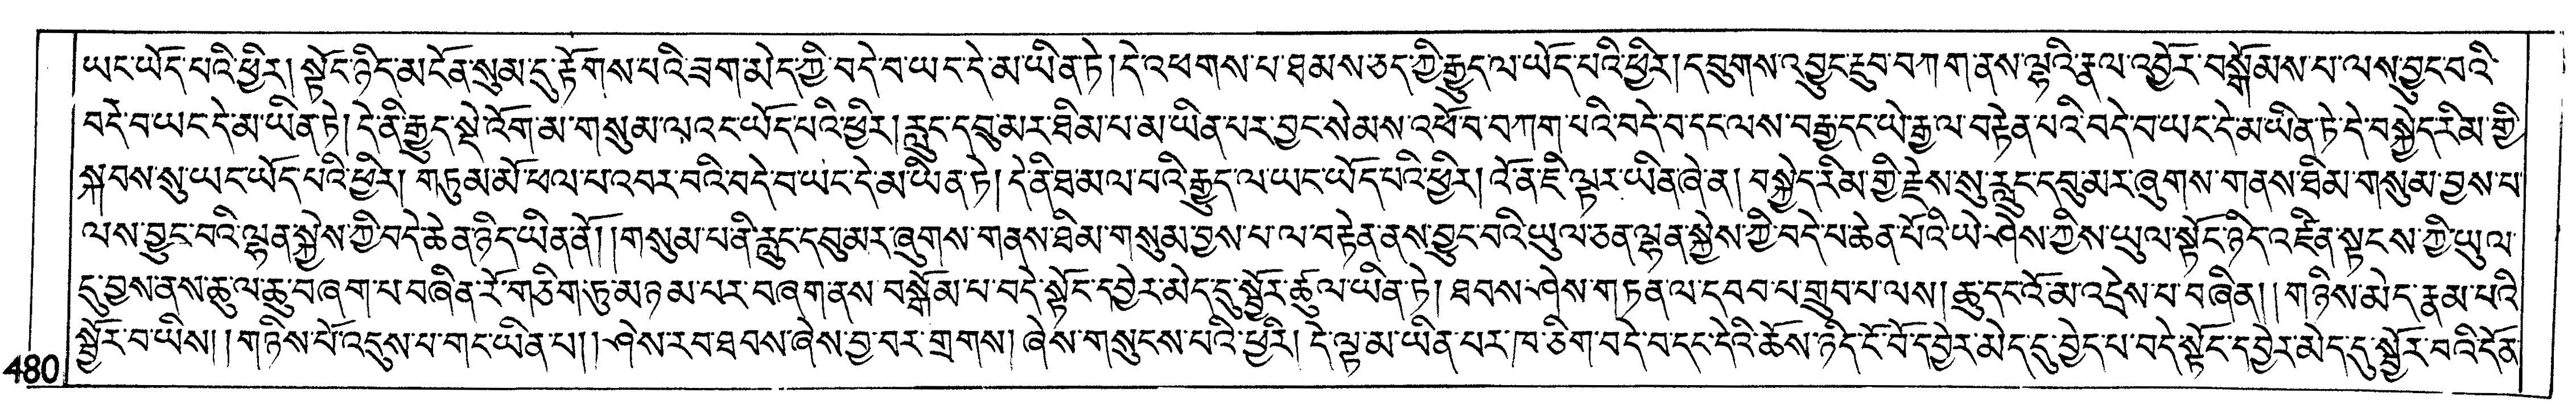ཡང་ཡོད་པའི་ཕྱིར། སྟོང་ཉིད་མངོན་སུམ་དུ་རྟོགས་པའི་ཟག་མེད་ཀྱི་བདེ་བ་ཡང་དེ་མ་ཡིན་ཏེ། དེ་འཕགས་པ་ཐམས་ཅད་ཀྱི་རྒྱུད་ལ་ཡོད་པའི་ཕྱིར། དབུགས་འབྱུང་རྔུབ་བཀག་ནས་ལྷའི་རྣལ་འབྱོར་བསྒོམས་པ་ལས་བྱུང་བའི་
བདེ་བ་ཡང་དེ་མ་ཡིན་ཏེ། དེ་ནི་རྒྱུད་སྡེ་འོག་མ་གསུམ་ལའང་ཡོད་པའི་ཕྱིར། རླུང་དབུ་མར་ཐིམ་པ་མ་ཡིན་པར་བྱང་སེམས་འཕོ་བ་བཀག་པའི་བདེ་བ་དང་ལས་བརྒྱ་དང་ཡེ་རྒྱ་ལ་བརྟེན་པའི་བདེ་བ་ཡང་དེ་མ་ཡིན་ཏེ་དེ་བསྐྱེད་རིམ་གྱི་
སྐབས་སུ་ཡང་ཡོད་པའི་ཕྱིར། གཏུམ་མོ་ཕལ་པ་འབར་བའི་བདེ་བ་ཡང་དེ་མ་ཡིན་ཏེ། དེ་ནི་ཐ་མལ་པའི་རྒྱུད་ལ་ཡང་ཡོད་པའི་ཕྱིར། འོ་ན་ཇི་ལྟར་ཡིན་ཞེ་ན། བསྐྱེད་རིམ་གྱི་རྗེས་སུ་རླུང་དབུ་མར་ཞུགས་གནས་ཐིམ་གསུམ་བྱས་པ་
ལས་བྱུང་བའི་ལྷན་སྐྱེས་ཀྱི་བདེ་ཆེན་ཉིད་ཡིན་ནོ། །གསུམ་པ་ནི་རླུང་དབུ་མར་ཞུགས་གནས་ཐིམ་གསུམ་བྱས་པ་ལ་བརྟེན་ནས་བྱུང་བའི་ཡུལ་ཅན་ལྷན་སྐྱེས་ཀྱི་བདེ་བ་ཆེན་པོའི་ཡེ་ཤེས་ཀྱིས་ཡུལ་སྟོང་ཉིད་འཛིན་སྟངས་ཀྱི་ཡུལ་
དུ་བྱས་ནས་ཆུ་ལ་ཆུ་བཞག་པ་བཞིན་རོ་གཅིག་ཏུ་མཉམ་པར་བཞག་ནས་བསྒོམ་པ་བདེ་སྟོང་དབྱེར་མེད་དུ་སྦྱོར་ཚུལ་ཡིན་ཏེ། ཐབས་ཤེས་གཏན་ལ་དབབ་པ་གྲུབ་པ་ལས། ཆུ་དང་འོ་མ་འདྲེས་པ་བཞིན། །གཉིས་མེད་རྣམ་པའི་
སྦྱོར་བ་ཡིས། །གཉིས་པོ་འདུས་པ་གང་ཡིན་པ། །ཤེས་རབ་ཐབས་ཞེས་བྱ་བར་གྲགས། ཞེས་གསུངས་པའི་ཕྱིར། དེ་ལྟ་མ་ཡིན་པར་ཁ་ཅིག་བདེ་བ་དང་དེའི་ཆོས་ཉིད་ངོ་བོ་དབྱེར་མེད་དུ་བྱེད་པ་བདེ་སྟོང་དབྱེར་མེད་དུ་སྦྱོར་བའི་དོན་